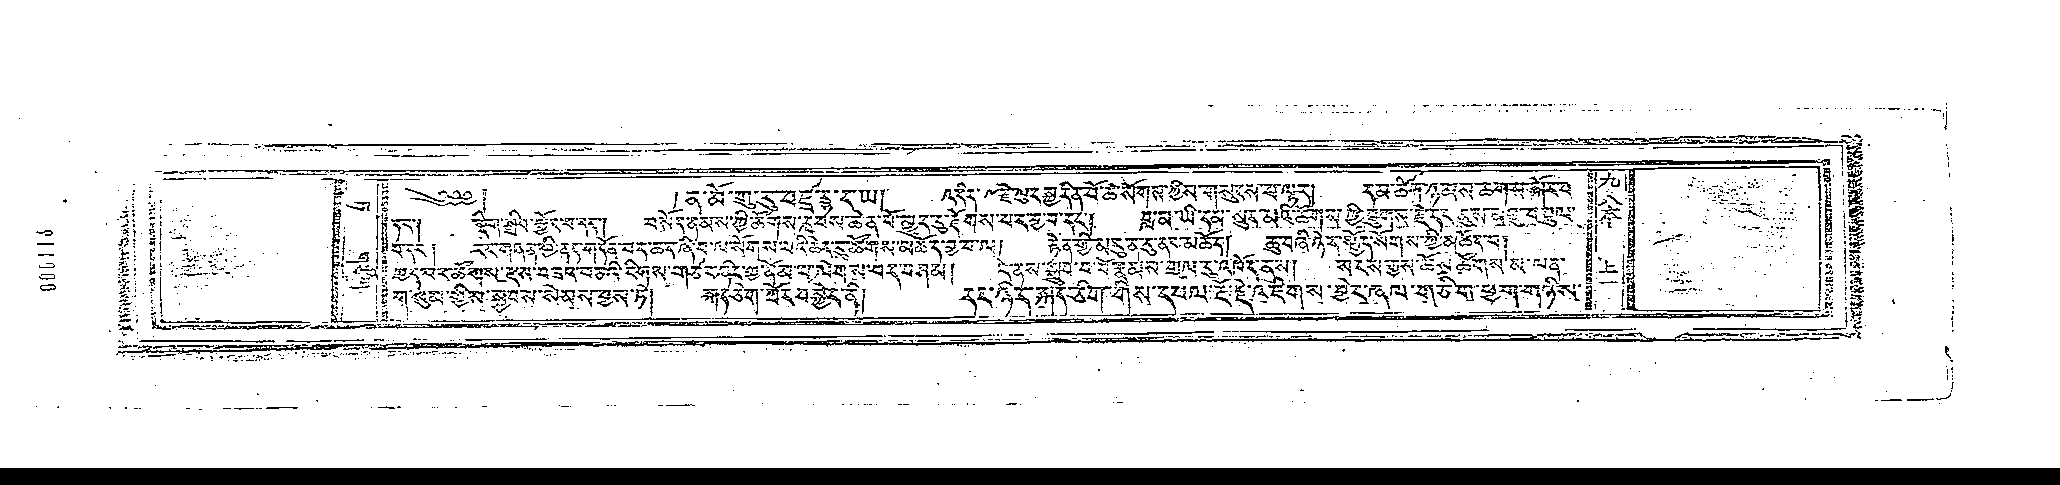༄༅༅། །ན་མོ་གུ་རུ་བཛྲ་དྷ་ར་ཡ། འདིར་༧་རྗེ་ལྕང་སྐྱ་རིན་པོ་ཆེ་སོགས་ཀྱིས་གསུངས་པ་ལྟར། དམ་ཚིག་ཉམས་ཆགས་སྐོང་བ་
དང་། སྡིག་སྒྲིབ་སྤྱོད་བ་དང་། བསོད་ནམས་ཀྱི་ཚོགས་རླབས་ཆེན་པོ་མྱུར་དུ་རྫོགས་པར་བྱ་བ་དང་། བླ་མ་ཡི་དམ་སྲུང་མའི་ཚོགས་ཀྱི་ཐུགས་རྗེ་དང་ནུས་མཐུ་བསྐུལ་
བ་དང་། རང་གཞན་གྱི་ནད་གདོན་བར་ཆད་ཞི་བ་ལ་སོགས་པའི་ཆེད་དུ་ཚོགས་མཆོད་བྱ་བ་ལ། རྟེན་གྱི་མདུན་དུ་ནང་མཆོད། ཆུ་བཞི་ཉེར་སྤྱོད་སོགས་ཀྱི་མཆོད་པ།
ཁྱད་པར་ཚོགས་རྫས་བཟའ་བཅའི་རིགས་གཙང་ཞིང་གྱ་ནོམ་པ་ལེགས་པར་བཤམ། དེ་ནས་སྒྲུབ་པ་པོ་རྣམས་གྲལ་དུ་འཁོང་ནས། སངས་རྒྱས་ཆོས་ཚོགས་མ་ལན།
གསུམ་གྱིས་སྐྱབ་སེམས་བྱས་ཏེ། སྐད་ཅིག་ཀྲོད་བསྐྱེད་ནི། རང་ཉིད་སྐད་ཅིག་གིས་དཔལ་རྡོ་རྗེ་འཇིགས་བྱེད་ཞལ་གཅིག་ཕྱག་གཉིས་